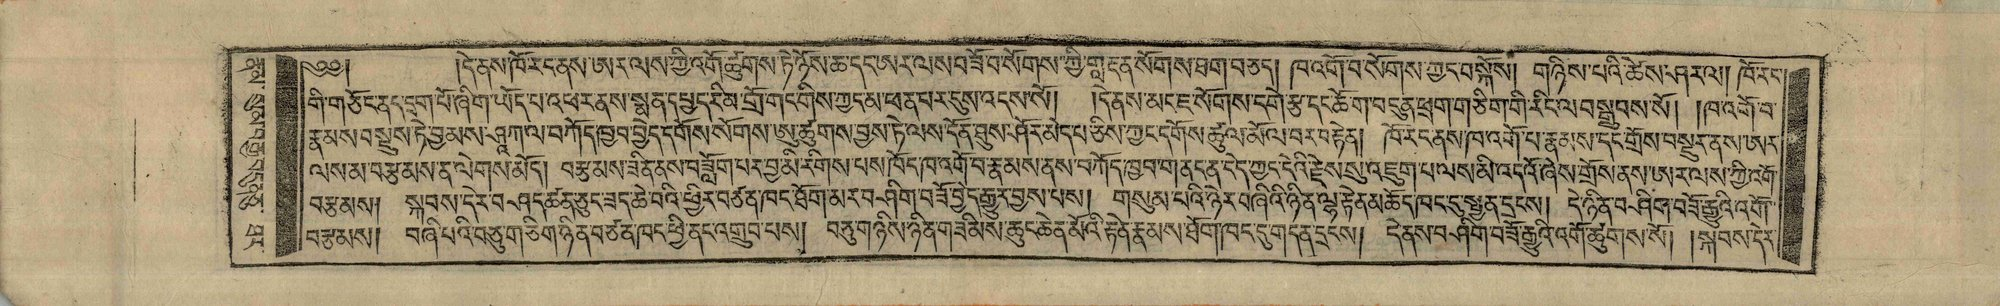༄༅། །དེ་ནས་ཁོ་རང་ནས་ཨར་ལས་ཀྱི་འགོ་ཚུགས་ཏེ་ཉོས་ཆ་དང་ཨར་ལས་བཟོ་བ་སོགས་ཀྱི་གླ་རྔན་སོགས་ཐག་བཅད། ཁ་འགོ་བ་སོགས་ཀྱང་བསྐོས། གཉིས་པའི་ཚེས་ཤར་ལ། ཁོ་རང་
གི་གཅོང་ནད་དྲག་པོ་ཞིག་ཡོད་པ་འཕར་ནས་སྨན་དཔྱད་རིམ་གྲོ་གང་གིས་ཀྱང་མ་ཕན་པར་དུས་འདས་སོ། །དེ་ནས་མང་ཇ་སོགས་དགེ་རྩ་དང་ཆོ་ག་བདུན་ཕྲག་གཅིག་གི་རིང་ལ་བསྒྲུབས་སོ། །ཁ་འགོ་བ་
རྣམས་བསྡུས་ཏེ་བྱམས་ཤཱཀ་ལ་བཀོད་ཁྱབ་བྱེད་དགོས་སོགས་ཨུ་ཚུགས་བྱས་ཏེ་ལས་དོན་ཐུས་ཤོར་མེད་པ་ཅིས་ཀྱང་དགོས་ཚུལ་མོལ་བར་བརྟེན། ཁོ་རང་ནས་ཁ་འགོ་པ་རྣམས་དང་གྲོས་བསྡུར་ནས་ཨར་
ལས་མ་བརྩམས་ན་ལེགས་མོད། བརྩམས་ཟིན་ནས་བཟློག་པར་བྱ་མི་རིགས་པས་ཁོང་ཁ་འགོ་བ་རྣམས་ནས་བཀོད་ཁྱབ་གནང་ན་ངེད་ཀྱང་དེའི་རྗེས་སུ་འཇུག་པ་ལས་མི་འདའོ་ཞེས་གྲོས་ནས་ཨར་ལས་ཀྱི་འགོ་
བརྩམས། སྐབས་དེར་བཤད་ཚན་ཅུང་ཟད་ཆེ་བའི་ཕྱིར་བཙན་ཁང་ཐོག་མར་བཤིག་བཟོ་བྱེད་རྒྱུར་བྱས་པས། གསུམ་པའི་ཉེར་བཞིའི་ཉིན་ལྷ་རྟེན་མཆོད་ཁང་དུ་སྤྱན་དྲངས། དེ་ཉིན་བཤིག་བཟོ་རྒྱུའི་འགོ་
བརྩམས། བཞི་པའི་བཅུ་གཅིག་ཉིན་བཙན་ཁང་ཕྱི་ནང་འགྲུབ་པས། བཅུ་གཉིས་ཉིན་གཟིམས་ཆུང་ཆེན་མོའི་རྟེན་རྣམས་ཐོག་ཁང་དུ་གདན་དྲངས། དེ་ནས་བཤིག་བཟོ་རྒྱུའི་འགོ་ཚུགས་སོ། །སྐབས་དེར་